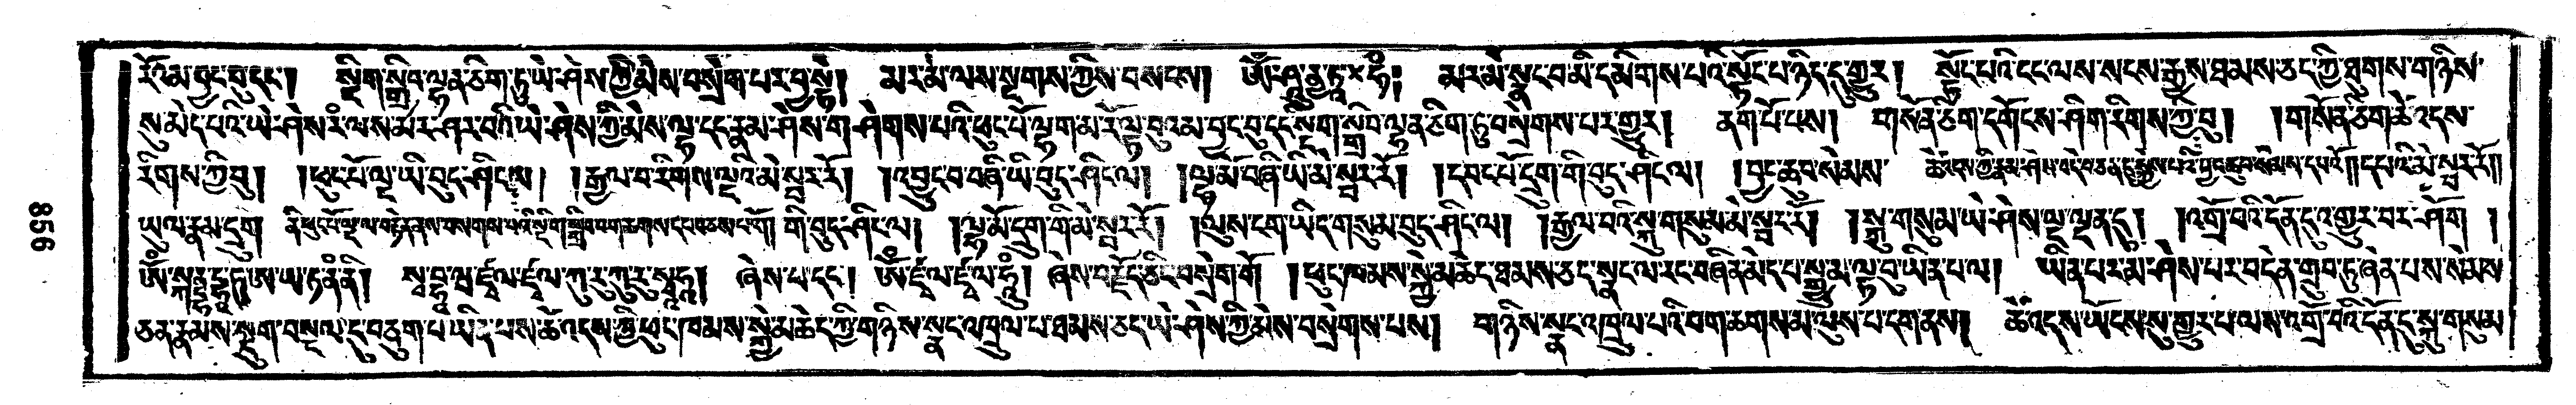རོའམ་བྱང་བུ་དང་། སྡིག་སྒྲིབ་ལྷན་ཅིག་ཏུ་ཡེ་ཤེས་ཀྱི་མེས་བསྲེག་པར་བྱ་སྟེ། མར་མེ་ལས་སྔགས་ཀྱིས་བསངས། ཨོཾ་ཤཱུ་ནྱ་ཏཱ་྾་ཧཾ། མར་མེ་སྣང་བ་མི་དམིགས་པའི་སྟོང་པ་ཉིད་དུ་གྱུར། སྟོང་པའི་ངང་ལས་སངས་རྒྱས་ཐམས་ཅད་ཀྱི་ཐུགས་གཉིས་
སུ་མེད་པའི་ཡེ་ཤེས་རཾ་ལས་མར་ཤར་བའི་ཡེ་ཤེས་ཀྱི་མེས་ལྷ་དང་རྣམ་ཤེས་གཤེགས་པའི་ཕུང་པོ་ལྷག་མ་རོ་ལྟ་བུའམ་བྱང་བུ་དང་སྡིག་སྒྲིབ་ལྷན་ཅིག་ཏུ་བསྲེགས་པར་གྱུར། ནག་པོ་པས། གསོན་ཅིག་དགོངས་ཤིག་རིགས་ཀྱི་བུ། །གསོན་ཅིག་ཚེ་འདས་
རིགས་ཀྱི་བུ། །ཕུང་པོ་ལྔ་ཡི་བུད་ཤིང་ལ། །རྒྱལ་བ་རིགས་ལྔའི་མེ་སྦར་རོ། །འབྱུང་བ་བཞི་ཡི་བུད་ཤིང་ལ། །ལྷ་མོ་བཞི་ཡི་མེ་སྦར་རོ། །དབང་པོ་དྲུག་གི་བུད་ཤིང་ལ། །བྱང་ཆུབ་སེམས་ཚེ་འདས་ཀྱི་རྣམ་ཤེས་བདེ་བ་ཅན་དུ་སྐྱེས་པའི་བྱ་ཆུབ་སེམས་དཔའོ།། དཔའི་མེ་སྦར་རོ།།
ཡུལ་རྣམ་དྲུག་ནི་ཕུང་པོ་ལྔ་ལ་བརྟེན་ནས་བསགས་པའི་སྡིག་སྒྲིབ་བག་ཆགས་དང་བཅས་པའོ།།  གི་བུད་ཤིང་ལ། །ལྷ་མོ་དྲུག་གི་མེ་སྦར་རོ། །ལུས་ངག་ཡིད་གསུམ་བུད་ཤིང་ལ། །རྒྱལ་བའི་སྐུ་གསུམ་མེ་སྦར་རོ། །སྐུ་གསུམ་ཡེ་ཤེས་ལྔ་ལྡན་དུ། །འགྲོ་བའི་དོན་དུ་འགྱུར་བར་ཤོག །
ཨོཾ་སྐནྡྷ་དྷཱ་ཏུ་ཨ་ཡ་ཏ་ནཾ་ནི། སྭ་བྷཱ་ཝ་ཛྭ་ལ་ཛྭ་ལ་ཀུ་རུ་ཀུ་རུ་སྭཱཧཱ། ཞེས་པ་དང་། ཨོཾ་ཛྭ་ལ་ཛྭ་ལ་ཧཱུཾ། ཞེས་བརྗོད་ཅིང་བསྲེག་གོ །ཕུང་ཁམས་སྐྱེ་མཆེད་ཐམས་ཅད་སྣང་ལ་རང་བཞིན་མེད་པ་སྒྱུ་མ་ལྟ་བུ་ཡིན་པ་ལ། ཡིན་པར་མ་ཤེས་པར་བདེན་གྲུབ་ཏུ་ཞེན་པས་སེམས་
ཅན་རྣམས་སྡུག་བསྔལ་དུ་བཅུག་པ་ཡིན་པས་ཆོ་འདས་ཀྱི་ཕུང་ཁམས་སྐྱེ་མཆེད་ཀྱི་གཉིས་སྣང་འཁྲུལ་པ་ཐམས་ཅད་ཡེ་ཤེས་ཀྱི་མེས་བསྲེགས་པས། གཉིས་སྣང་འཁྲུལ་པའི་བག་ཆགས་མ་ལུས་པ་དག་ནས། ཚེ་འདས་ཡོངས་སུ་གྱུར་པ་ལས་འགྲོ་བའི་དོན་དུ་སྐུ་གསུམ་